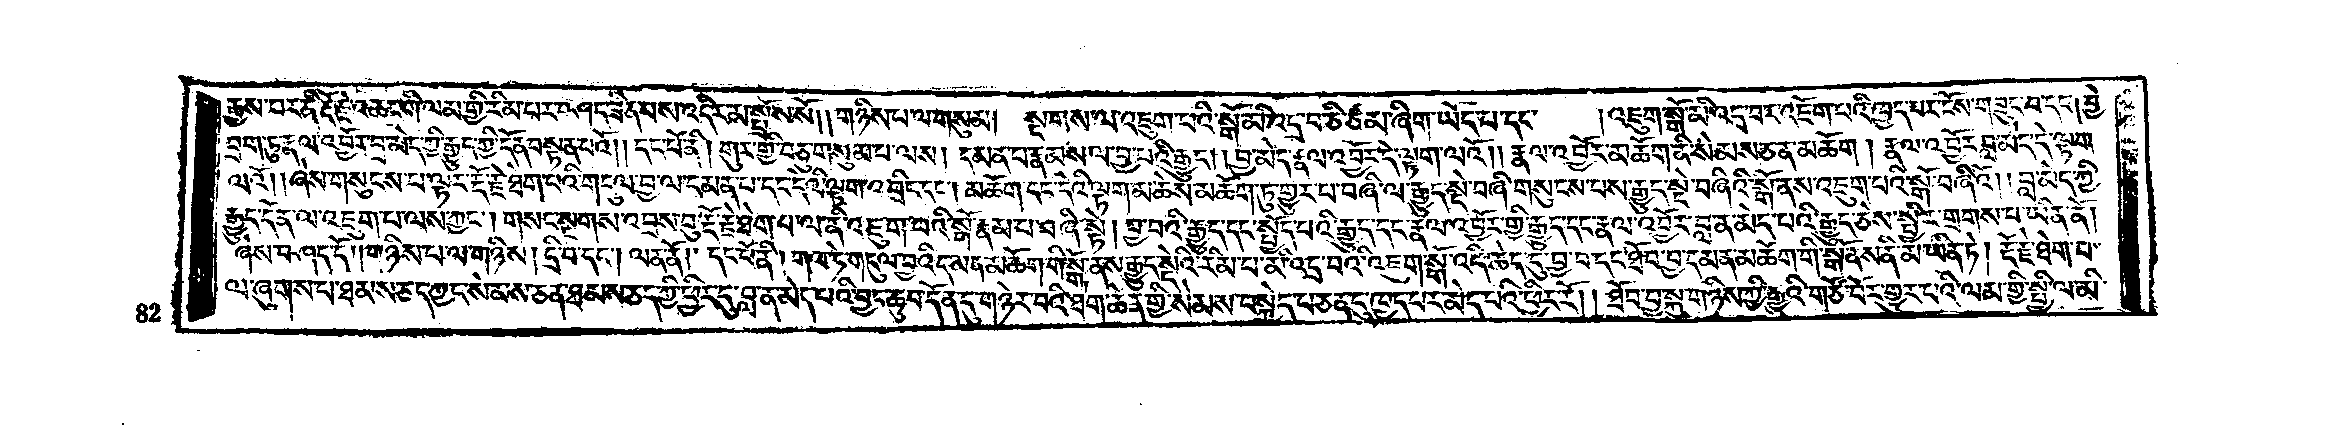རྒྱས་པར་ནི་རྡོ་རྗེ་འཆང་གི་ལམ་གྱི་རིམ་པར་བཤད་ཟིན་པས་འདིར་མ་སྤྲོས་སོ། །གཉིས་པ་ལ་གསུམ། སྔགས་ལ་འཇུག་པའི་སྒོ་མི་འདྲ་བ་ཅི་ཙམ་ཞིག་ཡོད་པ་དང་། འཇུག་སྒོ་མི་འདྲ་བར་འཇོག་པའི་ཁྱད་པར་ངོས་གཟུང་བ་དང་། བྱེ་
བྲག་ཏུ་རྣལ་འབྱོར་བླ་མེད་ཀྱི་རྒྱུད་ཀྱི་དོན་བསྟན་པའོ། །དང་པོ་ནི། གུར་གྱི་བཅུ་གསུམ་པ་ལས། དམན་པ་རྣམས་ལ་བྱ་བའི་རྒྱུད། །བྱ་མེད་རྣལ་འབྱོར་དེ་ལྟག་ལའོ། །རྣལ་འབྱོར་མཆོག་ནི་སེམས་ཅན་མཆོག །རྣལ་འབྱོར་བླ་མེད་དེ་ལྟག་
ལའོ། །ཞེས་གསུངས་པ་ལྟར་རྡོ་རྗེ་ཐེག་པའི་གདུལ་བྱ་ལ་དམན་པ་དང་དེའི་ལྟག་འབྲིང་དང་། མཆོག་དང་དེའི་ལྟག་མ་ཆེས་མཆོག་ཏུ་གྱུར་པ་བཞི་ལ་རྒྱུད་སྡེ་བཞི་གསུངས་པས་རྒྱུད་སྡེ་བཞིའི་སྒོ་ནས་འཇུག་པའི་སྒོ་བཞིའོ། །བླ་མེད་ཀྱི་
རྒྱུད་དོན་ལ་འཇུག་པ་ལས་ཀྱང་། གསང་སྔགས་འབྲས་བུ་རྡོ་རྗེ་ཐེག་པ་ལ་ནི་འཇུག་པའི་སྒོ་རྣམ་པ་བཞི་སྟེ། བྱ་བའི་རྒྱུད་དང་སྤྱོད་པའི་རྒྱུད་དང་རྣལ་འབྱོར་གྱི་རྒྱུད་དང་རྣལ་འབྱོར་བླ་ན་མེད་པའི་རྒྱུད་ཅེས་སྤྱིར་གྲགས་པ་ཡིན་ནོ། །
ཞེས་བཤད་དོ། །གཉིས་པ་ལ་གཉིས། དྲི་བ་དང་། ལན་ནོ། །དང་པོ་ནི། གལ་ཏེ་གདུལ་བྱའི་དམན་མཆོག་གི་སྒོ་ནས་རྒྱུད་སྡེའི་རིམ་པ་མི་འདྲ་བའི་འཇུག་སྒོ་འདི་ཆེད་དུ་བྱ་བ་དང་ཐོབ་བྱ་དམན་མཆོག་གི་སྒོ་ནས་ནི་མ་ཡིན་ཏེ། རྡོ་རྗེ་ཐེག་པ་
ལ་ཞུགས་པ་ཐམས་ཅད་ཀྱང་སེམས་ཅན་ཐམས་ཅད་ཀྱི་ཕྱིར་དུ་བླ་ན་མེད་པའི་བྱང་ཆུབ་དོན་དུ་གཉེར་བའི་ཐེག་ཆེན་གྱི་སེམས་བསྐྱེད་པ་ཅན་དུ་ཁྱད་པར་མེད་པའི་ཕྱིར་རོ། །ཐོབ་བྱ་སྐུ་གཉིས་ཀྱི་རྒྱུའི་གཙོ་བོར་གྱུར་པའི་ལམ་གྱི་སྤྱི་ལ་མི་